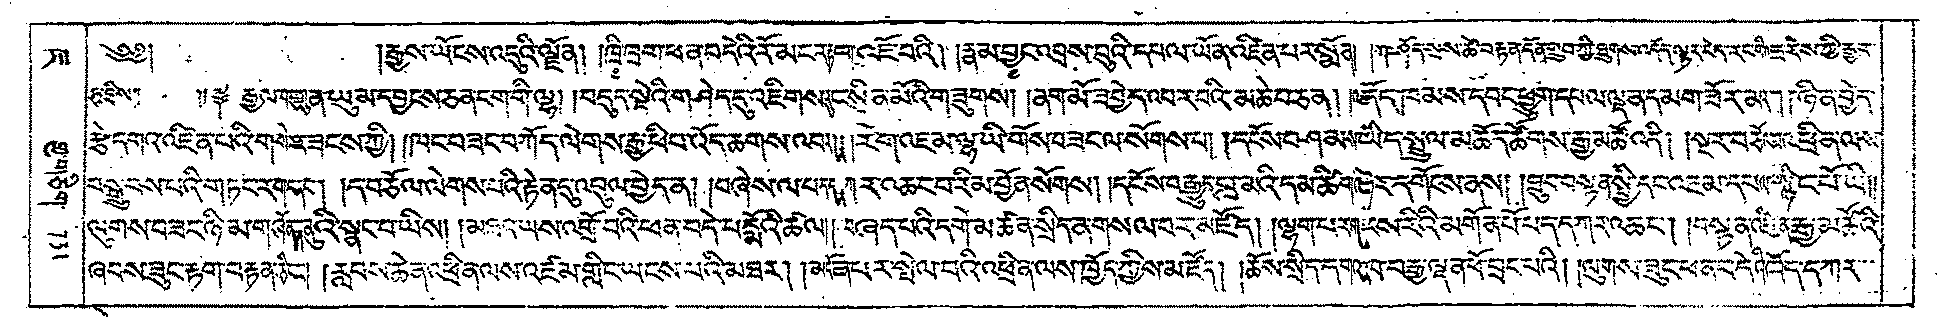༄༅། །རྒྱས་ཡོངས་འདུའི་ལྗོན། །ཁྲི྾་ཁྲག་ཕན་བདེའི་རོ་མངར་རྟག་འཇོ་བའི། །རྣམ་བྱུང྾་འབྲས་བུའི་དཔལ་ཡོན་འཛིན་པར་སྨོན། །ཀ་ཤོད་སྲས་ཚེ་བརྟན་དོན་གྲུབ་ཀྱི་ཐུགས་འདོད་ལྟར་ངེད་རང་གི་འདྲ་རིས་ཀྱི་རྒྱབ་
ཏུ་བྲིས།། །།༈ རྒྱལ་བ་ཀུན་ཡུམ་དབྱངས་ཅན་ངག་གི་ལྷ། །བདུད་སྡེའི་གཤེད་དུ་འཇིགས་རུང་སྲིན་མོའི་གཟུགས། །ནག་མོ་ཟ་བྱེད་འབར་བའི་མཆེ་བ་ཅན། །འདོད་ཁམས་དབང་ཕྱུག་དཔལ་ལྡན་དམག་ཟོར་མར། །ཉིན་བྱེད་
རྩེ་དགའ་འཛིན་པའི་གསེར་ཟངས་ཀྱི། །ཁང་བཟང་བཀོད་ལེགས་རྒྱ་ཕིབ་འོད་ཆགས་འབར། །རེག་འཇམ་ལྷ་ཡི་གོས་བཟང་ལ་སོགས་པ། །དངོས་བཤམས་ཡིད་སྤྲུལ་མཆོད་ཚོགས་རྒྱ་མཚོ་འདི། །སྔར་བཅོལ་འཕྲིན་ལས་
བསྒྲུབས་པའི་གཏང་རག་དང་། །ད་བཅོལ་ལེགས་པའི་རྟེན་དུ་འབུལ་བྱེད་ན། །བཞེས་ལ་པད་དཀར་འཆང་བ་རིམ་བྱོན་སོགས། །དངོས་བརྒྱུད་བླ་མའི་དམ་ཚིག་ཉེར་དགོངས་ནས། །ཐུབ་བསྟན་སྤྱི་དང་འཇམ་དཔལ་སྙིང་པོ་ཡི། །
ལུགས་བཟང་ཉི་མ་གཞོན་ནུའི་སྣང་བ་ཡིས། །མཐའ་ཡས་འགྲོ་བའི་ཕན་བདེ་པདམོའི་ཚལ། །བཞད་པའི་དགེ་མཚན་སྲིད་ན་གསལ་བར་མཛོད། །ལྷག་པར་གངས་རིའི་མགོན་པོ་པད་དཀར་འཆང་། །བསྟན་འཛིན་རྒྱ་མཚོའི་
ཞབས་ཟུང་རྟག་བརྟན་ཅིང་། །རླབས་ཆེན་འཕྲིན་ལས་འཛམ་གླིང་ཡངས་པའི་མཐར། །མངོན་པར་སྤེལ་བའི་འཕྲིན་ལས་ཁྱོད་ཀྱིས་མཛོད། །ཆོས་སྲིད་དགའ་བ་བརྒྱ་ལྡན་ཕོ་བྲང་པའི། །ལུགས་ཟུང་ཕན་བདེའི་འོད་དཀར་